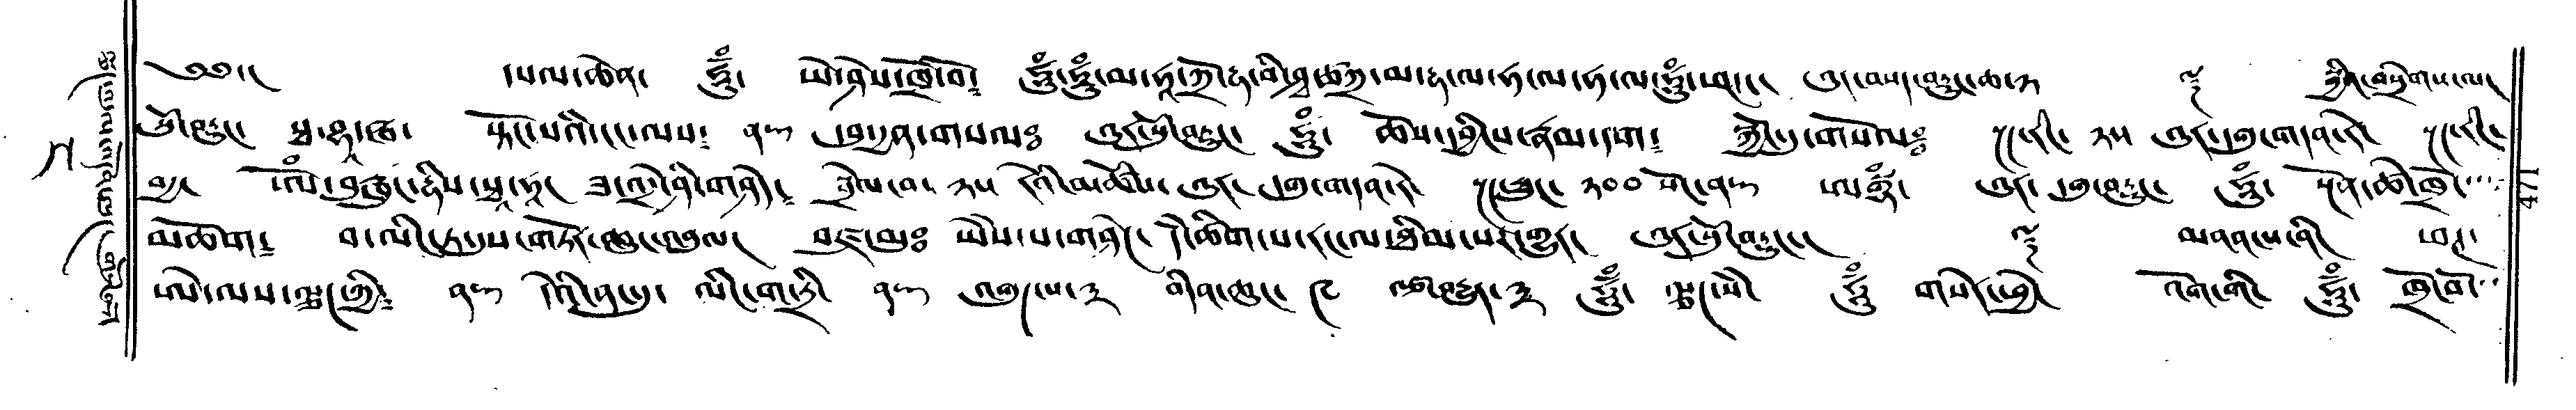ད་ལཔཆེན༴ ཧཱུྃ། ཡེཔཤེསཔཁྲོཔབོ༴ ཧཱུྃཔཧཱུྃཔམཔཧཱཔཀྲོཔདྷཔབིཔཤྭཔཙཀྲཔམཔདྷཔལཔཧཔལཔཧཔལཔཧཱུྃཔཕཊཿ འུརཔབསདཔརྡུངཔཆཔགཉིས། ༈ སྦྱིནཔསྲེགཔལ། 
སུམཔརྡུངཔ། སྭཔབྷཱཔཝ༴ སྟོངཔ་འིཔངངཔལས༴ ནས། དབུཔརྒྱནཔགསལ། འུརཔསུམཔརྡུངཔ། ཧཱུྃ། ཆོསཔདབྱིངསཔརྣམཔདག༴ ོངཔདུཔགསོལ། སྔགས་པ་རིང་པཉེརཔལྔ། འུརཔདགུཔགདནཔརེ། སྔགསཔརིང་
བརྒྱ། ཨོཾཔབུརྑུངཔདྷིསཔསྭཔཧཱ། ཟཔའདྲེཔཤིཔགཤེད༴ སྦྲེལཔབཔཉཻརཔལྔཔརེའིཔམཚམས། འུརཔདགུཔགདནཔརེ། སྔགསཔཐུངཔཉིསཔབརྒྱཔསོངཔནས། ཨརྒྷཾ༴ འུརཔདགུཔརྡུངཔ། ཧཱུྃ། སྔོནཔཚེཔཁྲོཔ་
མཆོག༴ བཔལིངཔཏའིཔདུསཔགཏོརཔཆུངཔའབུལ། བཛྲཔམུཿ ཡེཔཤེསཔ་པགཤེགས། དམཔཚིགཔ་པརངཔལཔཐིམཔ་རཔགྱུར། འུརཔསུམཔརྡུངཔ། ༈ མནནཔ་པནི། ཕཊཿ
ཨེ་ལས་ལྕགས་ཀྱི༴ ནས། དེའི་ནང་དུ་ལིང་ག་ཏྲི༴ ནས། འགུགས་པ་གསུམ། བདེན་ཆུང་དགུ། རྩ་བརྒྱུད་གསུམ། ཧཱུྃ། ལྕགསཔསམ༴ ཧཱུྃ། གསེརཔཕྱེ༴ འོགཔགི ཧཱུྃ། ཁྲོཔབོ